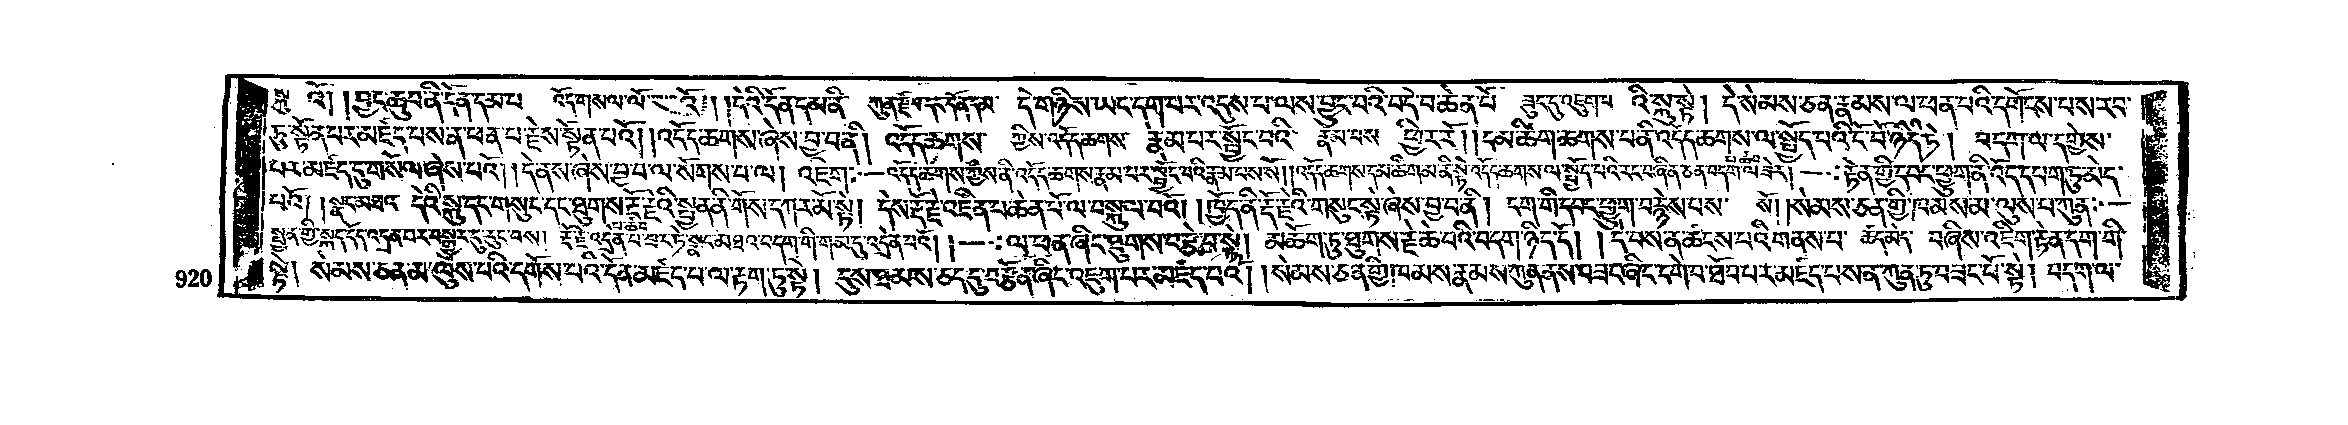སྐུའོ། །བྱང་ཆུབ་ནི་དོན་དམ་པ་འོད་གསལ་ལོའོ། །དེའི་དོན་དམ་ནི་ཀུན་རྫོབ་དང་དོན་དམ་དེ་གཉིས་ཡང་དག་པར་འདུས་པ་ལས་བྱུང་བའི་བདེ་བ་ཆེན་པོ་ཟུང་དུ་འཇུག་པའི་སྐུ་སྟེ། དེ་སེམས་ཅན་རྣམས་ལ་ཕན་པའི་དགོངས་པས་རབ་
ཏུ་སྟོན་པར་མཛད་པས་ན་ཕན་པ་རྗེས་སྟོན་པའོ། །འདོད་ཆགས་ཞེས་བྱ་བ་ནི། འདོད་ཆགས་ཀྱིས་འདོད་ཆགས་རྣམ་པར་སྦྱོང་བའི་རྣམ་པས་ཕྱིར་རོ། །དམ་ཚིག་ཆགས་པ་ནི་འདོད་ཆགས་ལ་སྤྱོད་པའི་ངོ་བོ་ཉིད་ཏེ། བདག་ལ་དགྱེས་
པར་མཛད་དུ་གསོལ་ཞེས་པའོ། །དེ་ནས་ཞེས་བྱ་བ་ལ་སོགས་པ་ལ། འཇིག་འདོད་ཆགས་ཀྱིས་ནི་འདོད་ཆགས་རྣམ་པར་སྦྱོང་བའི་རྣམ་པས་སོ། །འདོད་ཆགས་དམ་ཚིག་མ་ནི་སྟེ་འདོད་ཆགས་ལ་སྤྱོད་པའི་རང་བཞིན་ཅན་བདག་པ་ཚབ་ལ་ཟེར། རྟེན་གྱི་དབང་ཕྱུག་ནི་འོད་དཔག་ཏུ་མེད་
པའོ། །སྣང་མཐའ་དེའི་སྐུ་དང་གསུང་དང་ཐུགས་རྡོ་རྗེའི་སྤྱན་ནི་གོས་དཀར་མོ་སྟེ། དེས་རྡོ་རྗེ་འཛིན་པ་ཆེན་པོ་ལ་བསྐུལ་བའོ། །ཁྱོད་ནི་རྡོ་རྗེའི་གསུང་སྟེ་ཞེས་བྱ་བ་ནི། ངག་གི་དབང་ཕྱུག་བརྙེས་པས་སོ། །སེམས་ཅན་གྱི་ཁམས་མ་ལུས་པ་ཀུན་
སྦྱིན་གྱི་སྐད་དོད་འདན་པར་བསྒྱུར་དུ་རུང་བས། རྡོ་རྗེ་འདྲེན་པ་ཚབ་ཟེར་ཏེ་སྣང་མཐའ་བདག་གི་གམ་དུ་འདྲེན་པའོ།།  ལ་ཕན་ཞིང་ཐུགས་བརྩེ་བ་སྟེ། མཆོག་ཏུ་ཐུགས་རྗེ་ཆེ་བའི་བདག་ཉིད་དོ། །དེ་བས་ན་ཚངས་པའི་གནས་པ་ཚད་མེད་བཞིས་འཇིག་རྟེན་དག་གི་
སྟེ། སེམས་ཅན་མ་ལུས་པའི་དགོས་པའི་དོན་མཛད་པ་ལ་རྟག་ཏུ་སྟེ། དུས་ཐམས་ཅད་དུ་བརྩོན་ཞིང་འཇུག་པར་མཛད་པའོ། །སེམས་ཅན་གྱི་ཁམས་རྣམས་ཀུན་ནས་བཟང་ཞིང་དགེ་བ་ཐོབ་པར་མཛད་པས་ན་ཀུན་ཏུ་བཟང་པོ་སྟེ། བདག་ལ་